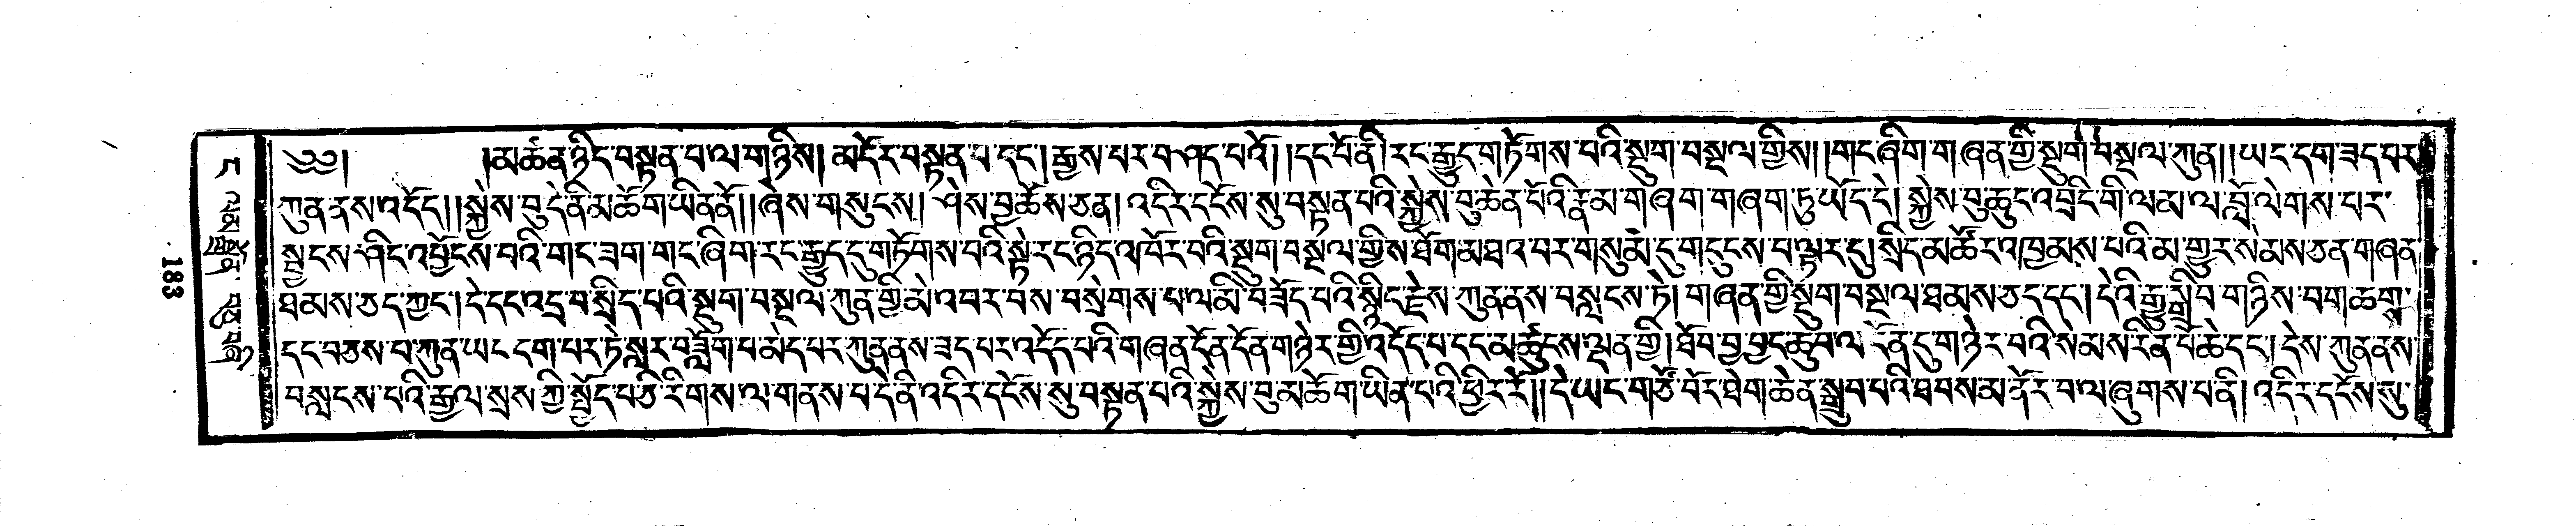༄༅། །མཚན་ཉིད་བསྟན་པ་ལ་གཉིས། མདོར་བསྟན་པ་དང་། རྒྱས་པར་བཤད་པའོ། །དང་པོ་ནི། རང་རྒྱུད་གཏོགས་པའི་སྡུག་བསྔལ་གྱིས། །གང་ཞིག་གཞན་གྱི་སྡུག་བསྔལ་ཀུན། །ཡང་དག་ཟད་པར་
ཀུན་ནས་འདོད། །སྐྱེས་བུ་དེ་ནི་མཆོག་ཡིན་ནོ། །ཞེས་གསུངས། ཤེས་བྱ་ཆོས་ཅན། འདིར་དངོས་སུ་བསྟན་པའི་སྐྱེས་བུ་ཆེན་པོའི་རྣམ་གཞག་གཞག་ཏུ་ཡོད་དེ། སྐྱེས་བུ་ཆུང་འབྲིང་གི་ལམ་ལ་བློ་ལེགས་པར་
སྦྱངས་ཤིང་འབྱོངས་པའི་གང་ཟག་གང་ཞིག་རང་རྒྱུད་དུ་གཏོགས་པའི་སྟེ་རང་ཉིད་འཁོར་བའི་སྡུག་བསྔལ་གྱིས་ཐོག་མཐའ་བར་གསུམ་དུ་གདུངས་པ་ལྟར་དུ། སྲིད་མཚོར་འཁྱམས་པའི་མ་གྱུར་སེམས་ཅན་གཞན་
ཐམས་ཅད་ཀྱང་། དེ་དང་འདྲ་བ་སྲིད་པའི་སྡུག་བསྔལ་ཀུན་གྱི་མེ་འབར་བས་བསྲེགས་པ་ལ་མི་བཟོད་པའི་སྙིང་རྗེས་ཀུན་ནས་བསླངས་ཏེ། གཞན་གྱི་སྡུག་བསྔལ་ཐམས་ཅད་དང་། དེའི་རྒྱུ་སྒྲིབ་གཉིས་བག་ཆགས་
དང་བཅས་པ་ཀུན་ཡང་དག་པར་ཏེ་སླར་བཟློག་པ་མེད་པར་ཀུན་ནས་ཟད་པར་འདོད་པའི་གཞན་དོན་དོན་གཉེར་གྱི་འདོད་པ་དང་མཚུངས་ལྡན་གྱི། ཐོབ་བྱ་བྱང་ཆུབ་ལ་དོན་དུ་གཉེར་བའི་སེམས་རིན་པོ་ཆེ་དང་། དེས་ཀུན་ནས་
བསླངས་པའི་རྒྱལ་སྲས་ཀྱི་སྤྱོད་པ་ཅི་རིགས་ལ་གནས་པ་དེ་ནི་འདིར་དངོས་སུ་བསྟན་པའི་སྐྱེས་བུ་མཆོག་ཡིན་པའི་ཕྱིར་རོ། །དེ་ཡང་གཙོ་བོར་ཐེག་ཆེན་སྒྲུབ་པའི་ཐབས་མ་ནོར་བ་ལ་ཞུགས་པ་ནི། འདིར་དངོས་སུ་